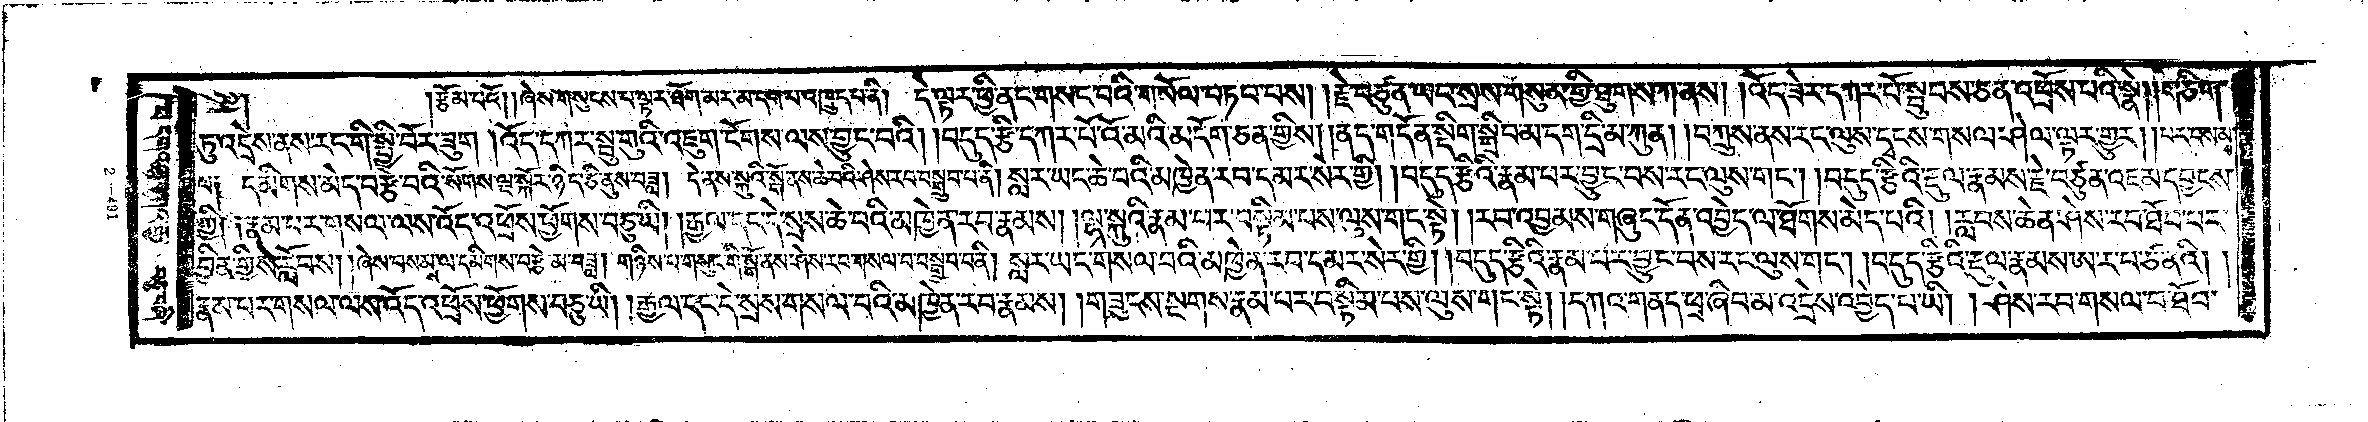༄༅། །རྩོམ་པའོ། །ཞེས་གསུངས་པ་ལྟར་ཐོག་མར་མ་དག་པ་འཁྲུད་པ་ནི།  དེ་ལྟར་ཕྱི་ནང་གསང་བའི་གསོལ་བཏབ་པས། །རྗེ་བཙུན་ཡང་སྲས་གསུམ་གྱི་ཐུགས་ཀ་ནས། །འོད་ཟེར་དཀར་པོ་སྦུབས་ཅན་འཕྲོས་པའི་སྣེ། །གཅིག་
ཏུ་འདྲེས་ནས་རང་གི་སྤྱི་བོར་ཟུག །འོད་དཀར་སྦུ་གུའི་འཇུག་ངོགས་ལས་བྱུང་བའི། །བདུད་རྩི་དཀར་པོ་འོ་མའི་མདོག་ཅན་གྱིས། །ནད་གདོན་སྡིག་སྒྲིབ་མ་དག་དྲི་མ་ཀུན། །བཀྲུས་ནས་རང་ལུས་དྭངས་གསལ་ཤེལ་ལྟར་གྱུར། །པར་བསམ་
ལ༑ དམིགས་མེད་བརྩེ་བའི་སོགས་ལྔ་སྐོར་ཉིད་ཅི་ནུས་བཟླ། དེ་ནས་སྐུའི་སྒོ་ནས་ཆེ་བའི་ཤེས་རབ་བསྒྲུབ་པ་ནི།  སླར་ཡང་ཆེ་བའི་མཁྱེན་རབ་དམར་སེར་གྱི། །བདུད་རྩིའི་རྣམ་པར་བྱུང་བས་རང་ལུས་གང་། །བདུད་རྩིའི་རྡུལ་རྣམས་རྗེ་བཙུན་འཇམ་དབྱངས་
གྱི༑ ༑རྣམ་པར་གསལ་ལས་འོད་འཕྲོས་ཕྱོགས་བཅུ་ཡི། །རྒྱལ་དང་དེ་སྲས་ཆེ་བའི་མཁྱེན་རབ་རྣམས། །ལྷ་སྐུའི་རྣམ་པར་བསྟིམ་པས་ལུས་གང་སྟེ། །རབ་འབྱམས་གཞུང་དོན་འབྱེད་ལ་ཐོགས་མེད་པའི། །རླབས་ཆེན་ཤེས་རབ་ཐོབ་པར་
བྱིན་གྱིས་རློབས། །ཞེས་བསམས་ལ་དམིགས་བརྩེ་མ་བཟླ། གཉིས་པ་གསུང་གི་སྒོ་ནས་ཤེས་རབ་གསལ་བ་བསྒྲུབ་བ་ནི།  སླར་ཡང་གསལ་བའི་མཁྱེན་རབ་དམར་སེར་གྱི། །བདུད་རྩིའི་རྣམ་པར་བྱུང་བས་རང་ལུས་གང་། །བདུད་རྩིའི་རྡུལ་རྣམས་ཨ་ར་པ་ཙ་ནའི། །
རྣམ་པར་གསལ་ལས་འོད་འཕྲོས་ཕྱོགས་བཅུ་ཡི། །རྒྱལ་དང་དེ་སྲས་གསལ་བའི་མཁྱེན་རབ་རྣམས། །གཟུངས་སྔགས་རྣམ་པར་བསྟིམ་པས་ལུས་གང་སྟེ། །དཀའ་གནད་ཕྲ་ཞིབ་མ་འདྲེས་འབྱེད་པ་ཡི། །ཤེས་རབ་གསལ་བ་ཐོབ་